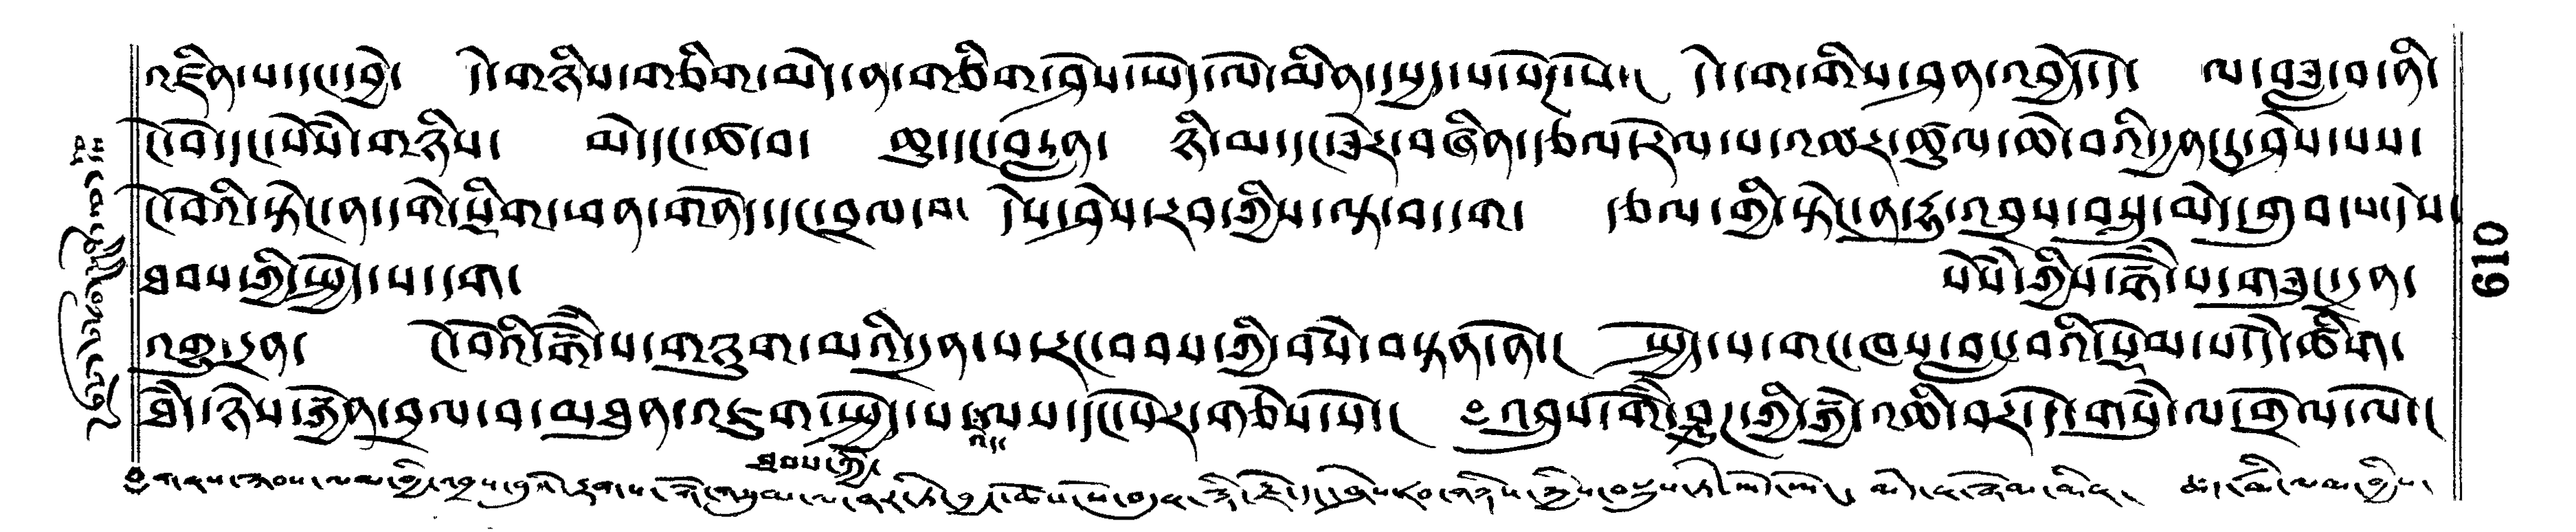འཛིན་པ་དང་དབྱེ། དེ་གཉིས་གཅིག་མེད་ན་གཅིག་ཤོས་ཡོད་ལོ་མིན་དཔྱད་པ་སོགས་སོ། དེ་དག་གིས་ཤན་འབྱེད་དོ། ལ་བཟླ་བ་ནི་
ངོ་བོ་དང་སེམས་གཉིས། མེ་དང་ཚ་བ། ཆུ་དང་བརླན། ཉི་མ་དང་ཟེར་བཞིན་རྩལ་རོལ་པ་འཆར་ཚུལ་ཆེ་བའི་རྒྱན་དུ་ཤེས་པས། 
ངོ་བོའི་སྟེང་ན་དགེ་སྡིག་ཕན་གནོད་དང་འབྲལ་བ། དེས་ཤེས་རབ་ཀྱིས་ལྟ་བ་དག རྩལ་གྱི་སྟེང་ན་རྒྱུ་འབྲས་བསླུ་མེད་དུ་གྲུབ་པ་དེས་
ཐབས་ཀྱི་སྤྱོད་པ་དག སེམས་ཀྱི་སྒོམ་པ་གཟུང་དྲན་
འགྱུ་དྲན། ངོ་བོའི་སྒོམ་པ་གཉུག་མའི་དྲན་པ་རང་བབས་ཀྱི་བསམ་གཏན་ནོ། སྤྱོད་པ་གང་ཁས་བླངས་བའི་སྡོམ་པ་དམ་ཚིག་
ཐམས་ཅད་ཉེས་སྐྱོན་བྲལ་བ་མཐུན་འཇུག་ཐབས་ཀྱི་སྤྱོད་པ་འདི་ལས་དང་པོར་གཅེས་སོ། གནས་སྐབས་ལམ་གྱི་འབྲས་བུའི་རྟགས་སྒོ་གསུམ་ལ་ཤར་ཏེ་བྱང་ཆོས་སོ་བདུན་སྙིང་རྗེ་དང་ཤེས་རབ་གཉིས་ཀྱིས་བསྡུས་ཏེ་ཡོད་ཡོང་། མེད་ན་སྒོམ་མིན། ཚད་རྨི་ལམ་གྱིས་བཟུང་། འབྲས་བུ་སྒོམ་ཤུགས་ཀྱིས་སྐྱེ་འཆི་བར་དོ་གསུམ་ལ་གྲོལ་ལོ།